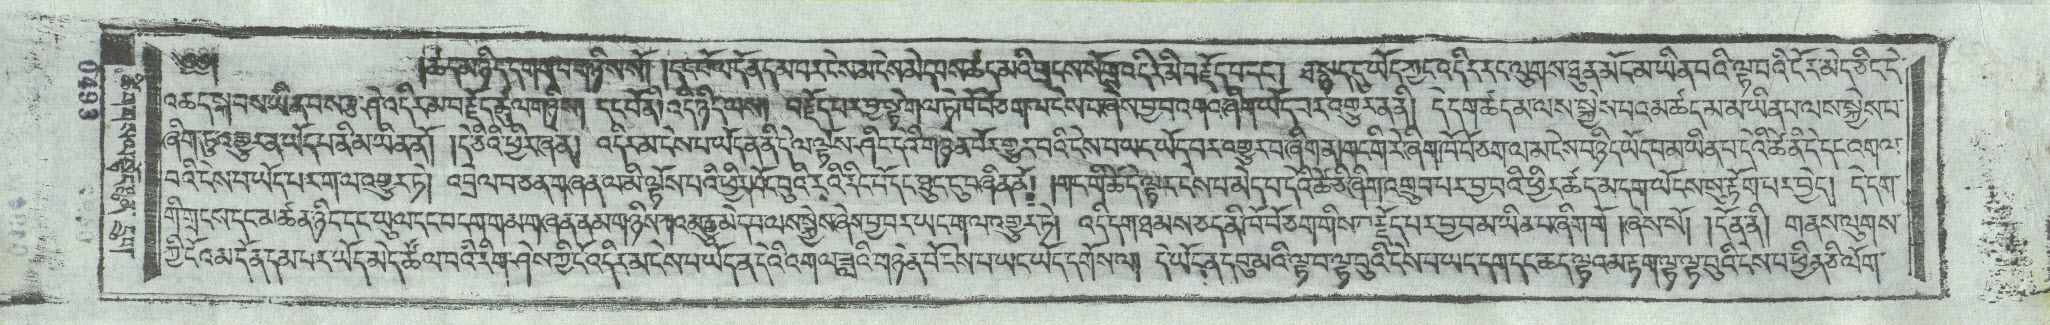༄༅། །ཚད་མ་ཉིད་དགག་པ་གཉིས་སོ། །དང་པོ་ལ་དོན་དམ་པར་ངེས་མ་ངེས་མེད་པས་ཚད་མའི་གྲངས་སོགས་འདིར་མི་བརྗོད་པ་དང་། ཐ་སྙད་དུ་ཡོད་ཀྱང་འདིར་རང་ལུགས་ཐུན་མོང་མ་ཡིན་པའི་ལྟ་བའི་ངོར་མེད་ཅིང་དེ་
འཆད་སྐབས་ཡིན་པས་རྩ་ཤེ་འདིར་མ་བརྗོད་ཚུལ་གཉིས། དང་པོ་ནི། འདི་ཉིད་ལས། བརྗོད་པར་བྱ་སྟེ་གལ་ཏེ་ཁོ་བོ་ཅག་ལ་ངེས་པ་ཞེས་བྱ་བ་འགའ་ཞིག་ཡོད་པར་འགྱུར་ན་ནི། དེ་དག་ཚད་མ་ལས་སྐྱེས་པའམ་ཚད་མ་མ་ཡིན་པ་ལས་སྐྱེས་པ་
ཞིག་ཏུ་འགྱུར་ན་ཡོད་པ་ནི་མ་ཡིན་ནོ། །དེ་ཅིའི་ཕྱིར་ཞེ་ན། འདིར་མ་ངེས་པ་ཡོད་ན་ནི་དེ་ལ་ལྟོས་ཤིང་དེའི་གཉེན་པོར་གྱུར་པའི་ངེས་པ་ཡང་ཡོད་པར་འགྱུར་བ་ཞིག་ན། གང་གི་རེ་ཞིག་ཁོ་བོ་ཅག་ལ་མ་ངེས་པ་ཉིད་ཡོད་པ་མ་ཡིན་པ་དེའི་ཚེ་ནི་དེ་དང་འགལ་
བའི་ངེས་པ་ཡོད་པར་ག་ལ་འགྱུར་ཏེ། འབྲེལ་བ་ཅན་གཞན་ལ་མི་ལྟོས་པའི་ཕྱིར། བོང་བུའི་རའི་རིང་པོ་དང་ཐུང་ངུ་བཞིན་ནོ། །གང་གི་ཚེ་དེ་ལྟར་ངེས་པ་མེད་པ་དེའི་ཚེ་ཅི་ཞིག་འགྲུབ་པར་བྱ་བའི་ཕྱིར་ཚད་མ་དག་ཡོངས་སུ་རྟོག་པར་བྱེད། དེ་དག་
གི་གྲངས་དང་མཚན་ཉིད་དང་ཡུལ་དང་བདག་གམ་གཞན་ནམ་གཉིས་ཀ་འམ་རྒྱུ་མེད་པ་ལས་སྐྱེས་ཞེས་བྱ་བར་ཡང་ག་ལ་འགྱུར་ཏེ། འདི་དག་ཐམས་ཅད་ནི་ཁོ་བོ་ཅག་གིས་བརྗོད་པར་བྱ་བ་མ་ཡིན་པ་ཞིག་གོ །ཞེས་སོ། །དོན་ནི། གནས་ལུགས་
ཀྱི་ངོའམ་དོན་དམ་པར་ཡོད་མེད་ཚོལ་བའི་རིག་ཤེས་ཀྱི་ངོ་འདིར་མ་ངེས་པ་ཡོད་ན་དེའི་འགལ་ཟླའི་གཉེན་པོ་ངེས་པ་ཡང་ཡོད་དགོས་ལ། དེ་ཡོད་ན་དབུ་མའི་ལྟ་བ་ལྟ་བུའི་ངེས་པ་ཡང་དག་དང་ཆད་ལྟའམ་རྟག་ལྟ་ལྟ་བུའི་ངེས་པ་ཕྱིན་ཅི་ལོག་